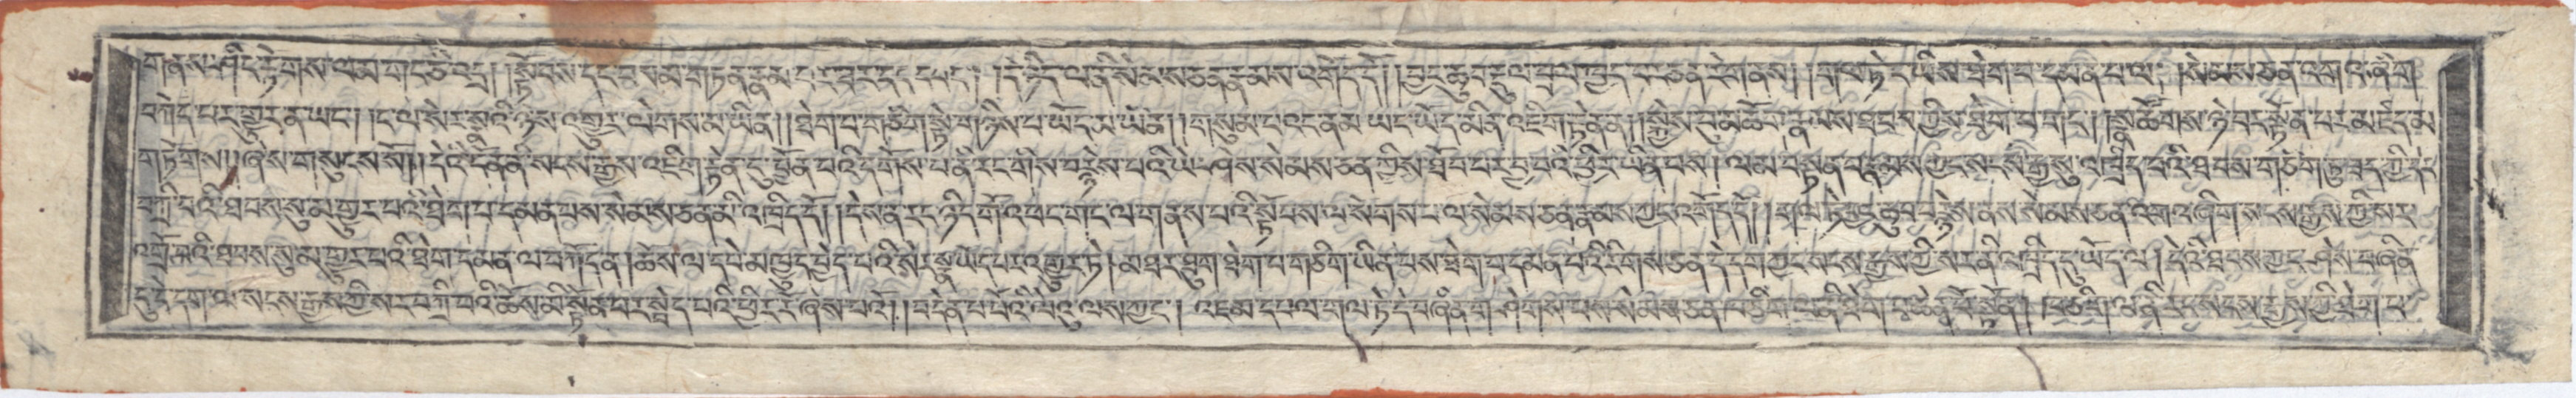གནས་ཤིང་རྟོགས་ལམ་གང་ཅི་འདྲ། །སྟོབས་དང་བསམ་གཏན་རྣམ་པར་ཐར་དང་དབང་། །དེ་ཉིད་ལ་ནི་སེམས་ཅན་རྣམས་འགོད་དོ། །བྱང་ཆུབ་རྡུལ་བྲལ་ཁྱད་པར་ཅན་རེག་ནས། །གལ་ཏེ་ང་ཡིས་ཐེག་པ་དམན་པ་ལ། །སེམས་ཅན་འགའ་ཞིག་
བཀོད་པར་གྱུར་ན་ཡང་། །ང་ལ་སེར་སྣའི་ཉེས་འགྱུར་ལེགས་མ་ཡིན། །ཐེག་པ་གཅིག་སྟེ་གཉིས་པ་ཡོད་མ་ཡིན། །གསུམ་པའང་ནམ་ཡང་ཡོད་མིན་འཇིག་རྟེན་ན། །སྐྱེས་བུ་མཆོག་རྣམས་ཐབས་ཀྱིས་ཐེག་པ་གང་། །སྣ་ཚོགས་ཉེ་བར་སྟོན་པར་མཛད་མ་
གཏོགས། །ཞེས་གསུངས་སོ། །དེའི་དོན་ནི་སངས་རྒྱས་འཇིག་རྟེན་དུ་བྱོན་པའི་དགོས་པ་ནི་རང་གིས་བརྙེས་པའི་ཡེ་ཤེས་སེམས་ཅན་གྱིས་ཐོབ་པར་བྱ་བའི་ཕྱིར་ཡིན་པས། ལམ་བསྟན་པ་རྣམས་ཀྱང་སངས་རྒྱས་སུ་འཁྲིད་བའི་ཐབས་གཅིག་ཏུ་ཟད་ཀྱི་དེར་
བཀྲི་བའི་ཐབས་སུ་མ་གྱུར་པའི་ཐེག་པ་དམན་པས་སེམས་ཅན་མི་འཁྲིད་དོ། །དེས་ན་རང་ཉིད་གོ་འཕང་གང་ལ་གནས་པའི་སྟོབས་ལ་སོགས་པ་ལ་སེམས་ཅན་རྣམས་ཀྱང་འགོད་དོ། །གལ་ཏེ་བྱང་ཆུབ་བརྙེས་ནས་སེམས་ཅན་འགའ་ཞིག་སངས་རྒྱས་ཀྱི་སར་
འགྲོ་བའི་ཐབས་སུ་མ་གྱུར་པའི་ཐེག་དམན་ལ་བཀོད་ན་།ཆོས་ལ་དཔེ་མཁྱུད་བྱེད་པའི་སེར་སྣ་ཡོད་པར་འགྱུར་ཏེ། མཐར་ཐུག་ཐེག་པ་གཅིག་ཡིན་པས་ཐེག་པ་དམན་པའི་རིགས་ཅན་དེ་དག་ཀྱང་སངས་རྒྱས་ཀྱི་སར་ནི་འཁྲིད་དུ་ཡོད་ལ། དེའི་ཐབས་ཀྱང་ཤེས་བཞིན་
དུ་དེ་དག་ལ་སངས་རྒྱས་ཀྱི་སར་བཀྲི་བའི་ཆོས་མི་སྟོན་པར་སྤེད་པའི་ཕྱིར་རོ་ཞེས་པའོ། །བདེན་པ་པོའི་ལེའུ་ལས་ཀྱང་། འཇམ་དཔལ་གལ་ཏེ་དེ་བཞིན་གཤེགས་པས་སེམས་ཅན་ཁ་ཅིག་ལ་ནི་ཐེག་པ་ཆེན་པོ་སྟོན། ཁ་ཅིག་ལ་ནི་རང་སངས་རྒྱས་ཀྱི་ཐེག་པ་